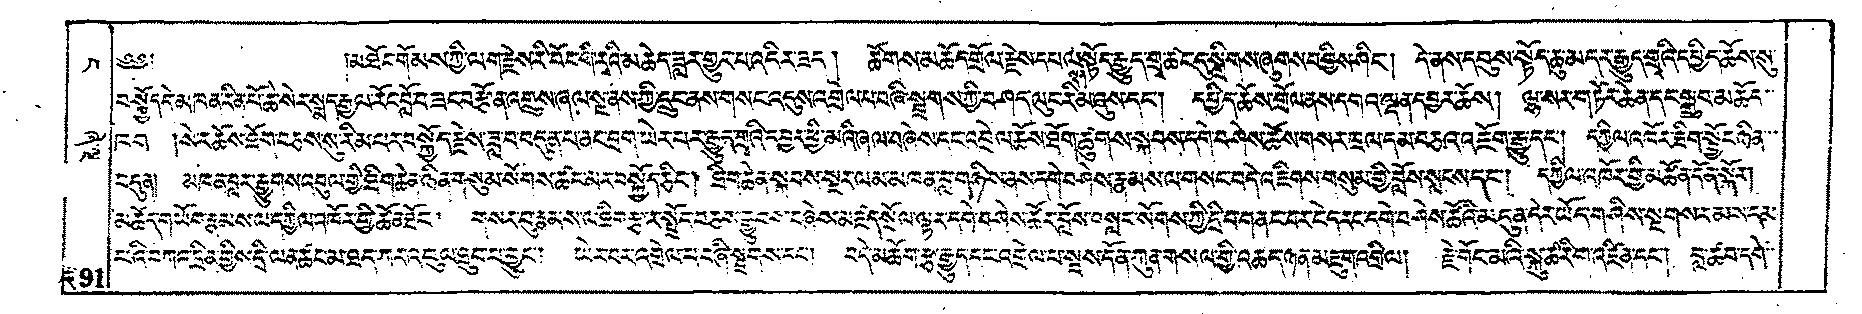༄༅། །མཐོང་གོམས་ཀྱི་ལག་རྗེས་རི་བོང་གི་རྭའི་མཆེད་ཟླར་གྱུར་པ་འདིར་ཟད། ཚོགས་མཆོད་གྲོལ་རྗེས་དཔལ་ལྡན་སྟོད་རྒྱུད་གྲྭ་ཚང་དུ་སྒྲིགས་ཞུགས་བགྱིས་ཤིང་། དེ་ནས་དབུས་སྟོད་ཆུ་མདར་རྒྱུད་གྲྭའི་དཔྱིད་ཆོས་སུ་
བསྐྱོད་དེ་མཁན་རིན་པོ་ཆེ་སེར་སྨད་རྒྱལ་རོང་བློ་བཟང་བརྩོན་འགྲུས་ཞལ་སྔ་ནས་ཀྱི་དྲུང་ནས་གསང་འདུས་འགྲེལ་པ་བཞི་སྦྲགས་ཀྱི་བཤད་ལུང་རིམ་ཞུས་དང་། དཔྱིད་ཆོས་གྲོལ་ནས་དགའ་ལྡན་དབྱར་ཆོས། ལྷ་སར་གཏོར་ཆེན་དང་སྒྲུབ་མཆོད་
ཁག །སེ་ར་ཆོས་ཐོག་བཅས་སུ་རིམ་པར་བསྐྱོད་རྗེས་ཟླ་བ་བདུན་པ་ནང་བྲག་ཡེར་པར་རྒྱུད་གྲྭའི་དབྱར་ཕྱི་མའི་ཞལ་བཞེས་དང་འབྲེལ་ཆོས་ཐོག་ཚུགས་སྐབས་དགེ་བཤེས་ཚོས་?་གསར་ཁྲལ་དམ་བཅའ་འཇོག་རྒྱུ་དང་། དཀྱིལ་འཁོར་ཐིག་སྦྱོང་ཉིན་
བདུན། མཁན་བླར་རྒྱུགས་འབུལ་གྱི་ཐིག་ཆེན་ཉིན་གསུམ་སོགས་ཚང་མར་བསྐྱོད་ཅིང་། ཐིག་ཆེན་སྐབས་སྔར་ལམ་མཁན་བླ་གཉིས་ནས་དགེ་བཤེས་རྣམས་ལ་གསང་བདེ་འཇིགས་གསུམ་གྱི་བློས་སླངས་དང་། དཀྱིལ་འཁོར་གྱི་མཚོན་དོན་སྐོར།
མཆོད་གཡོག་རྣམས་ལ་དཀྱིལ་འཁོར་གྱི་ཚོན་ཐོབ། གསར་བུ་རྣམས་ལ་ཐིག་རྩ་ར་སྤྲོད་བཅས་རྒྱུགས་བཞེས་མཛད་སྲོལ་ལྟར་དགེ་བཤེས་ཚོར་བློས་བསླང་སོགས་ཀྱི་དྲི་བ་གནང་བར་ངེད་རང་དགེ་བཤེས་ཚོའི་མདུན་དེར་ཡོད་གཤིས་སྔགས་རམས་དམ་
པའི་བཀའ་དྲིན་གྱིས་དྲི་ལན་ཚང་མ་ཐད་ཀར་འབུལ་ཐུབ་པ་བྱུང་། ཡེར་བར་འགྲེལ་པ་བཞི་སྦྲགས་དང་། བདེ་མཆོག་རྩ་རྒྱུད་དང་འགྲེལ་པ་སྦས་དོན་ཀུན་གསལ་གྱི་འཆད་ཉན་མཇུག་འགྲིལ། རྗེ་གོང་མའི་སྐུ་ཚ་རིག་འཛིན་དང་། བླ་ཚབ་དགེ་